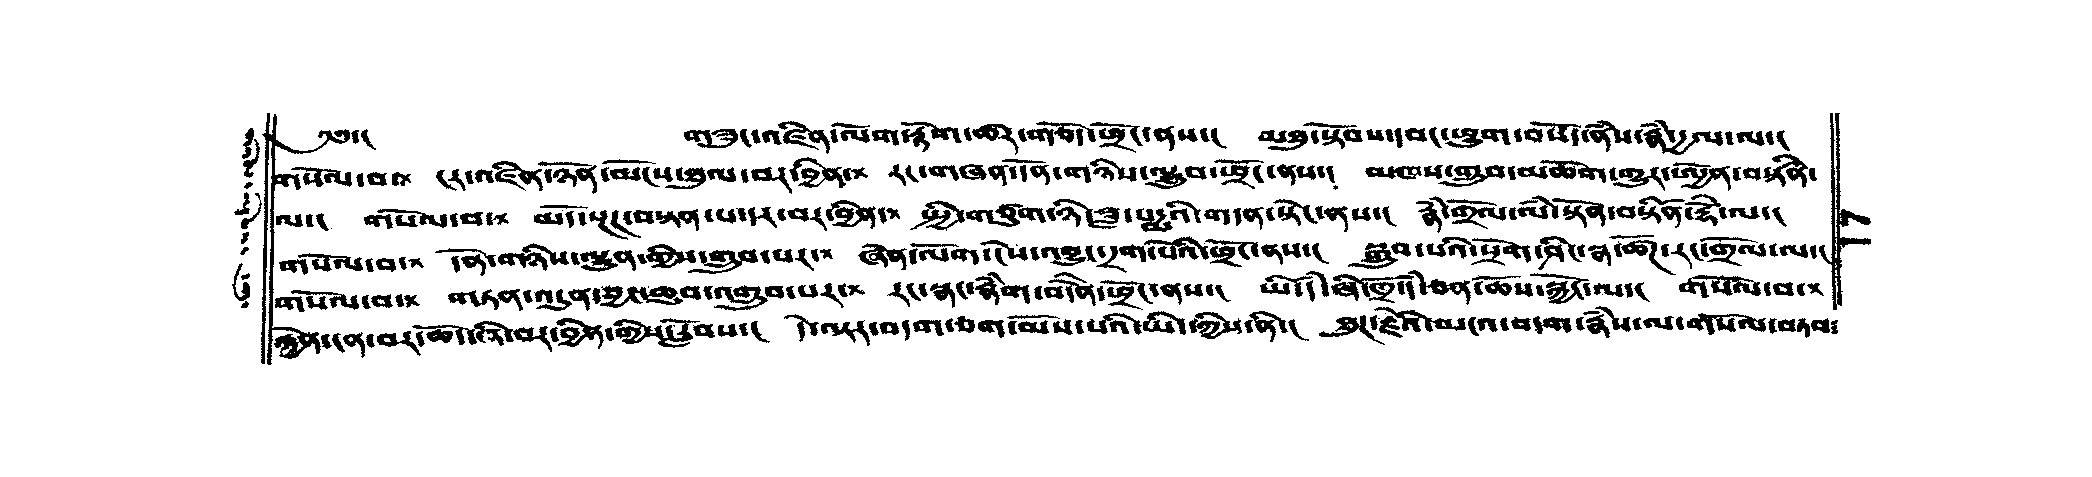།གཟུང་འཛིན་ལོག་རྟོག་ཚར་གཅོད་ཕོ་བྲང་ནས། །མཐུ་སྟོབས་དབང་ཕྱུག་བསོད་ནམས་རྣམ་རྒྱལ་ལ། །
གསོལ་བ༴ ངར་འཛིན་ཉོན་མོངས་ཐུལ་བར་བྱིན༴ །རང་གཞན་དོན་གཉིས་ལྷུན་གྲུབ་ཕོ་བྲང་ནས། །མཁས་གྲུབ་མཆོག་གྱུར་ཨོ་རྒྱན་བསྟན་འཛིན་
ལ། གསོལ་བ༴ །མདོ་སྔགས་བསྟན་པ་དར་བར་བྱིན༴ །སྤྱི་གཙུག་ཉི་ཟླ་པདྨའི་གདན་སྟེང་ནས། །རྣམ་གྲོལ་ལམ་སྟོན་བསྟན་འཛིན་རྡོ་རྗེ་ལ། །
གསོལ་བ༴ །དོན་གཉིས་ལྷུན་གྱིས་གྲུབ་པར༴ །ཞེན་ལོག་ངེས་འབྱུང་དྲག་པོའི་ཕོ་བྲང་ནས། །སྒྲུབ་པའི་སྲོག་ཤིང་སྣ་ཚོགས་རང་གྲོལ་ལ། །
གསོལ་བ༴ །གཏན་འདུན་བྱང་ཆུབ་འགྲུབ་པར༴ །རང་སྣང་རྣམ་དག་བདེ་ཆེན་ཕོ་བྲང་ནས། །ཡི་དམ་ཞི་ཁྲོ་དམ་ཅན་ཆོས་སྐྱོང་ལ། །གསོལ་བ༴ །
རྐྱེན་ངན་བར་ཆད་ཞི་བར་བྱིན་གྱིས་རློབས། །དེ་ལྟར་བདག་ཅག་མོས་པའི་ཡིད་ཀྱིས་ནི། །ཐུགས་རྗེའི་མངའ་བདག་རྣམས་ལ་གསོལ་བཏབ་